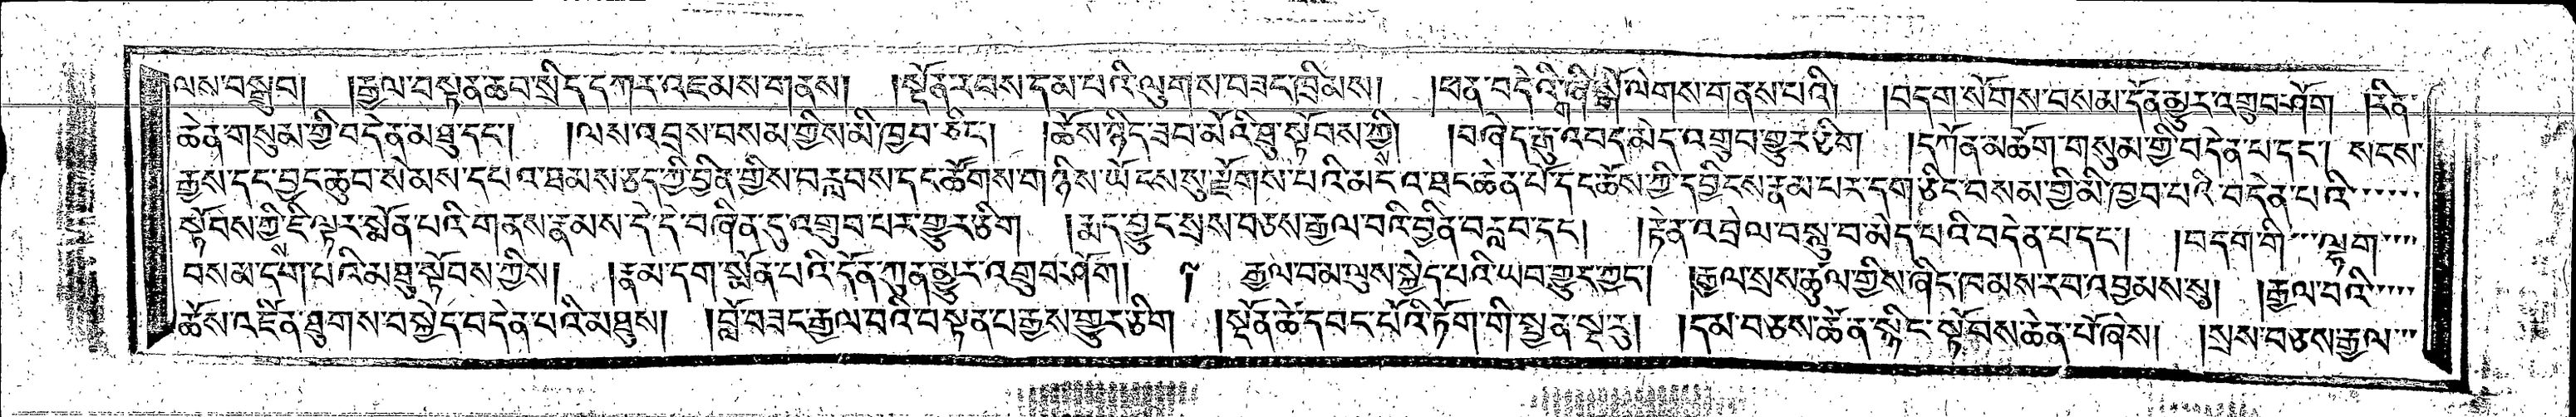ལས་བསྒྲུབ། །རྒྱལ་བསྟན་ཆབ་སྲིད་དཀར་འཇམས་གནས། །སྔོན་རབས་དམ་པའི་ལུགས་བཟང་ཁྲིམས། །ཕན་བདེའི་གཞི་སྒོ་ལེགས་གནས་པའི། །བདག་སོགས་བསམ་དོན་མྱུར་འགྲུབ་ཤོག །རིན་
ཆེན་གསུམ་གྱི་བདེན་མཐུ་དང་། །ལས་འབྲས་བསམ་གྱིས་མི་ཁྱབ་ཅིང་། །ཆོས་ཉིད་ཟབ་མོའི་ཐུ་སྟོབས་ཀྱིས། །བཞེད་རྒུ་འབད་མེད་འགྲུབ་གྱུར་ཅིག །དཀོན་མཆོག་གསུམ་གྱི་བདེན་པ་དང་། སངས་
རྒྱས་དང་བྱང་ཆུབ་སེམས་དཔའ་ཐམས་ཅད་ཀྱི་བྱིན་གྱིས་བརླབས་དང་ཚོགས་གཉིས་ཡོངས་སུ་རྫོགས་པའི་མངའ་ཐང་ཆེན་པོ་དང་ཆོས་ཀྱི་དབྱིངས་རྣམ་པར་དག་ཅིང་བསམ་གྱི་མི་ཁྱབ་པའི་བདེན་པའི་
སྟོབས་ཀྱིས་ཇི་ལྟར་སྨོན་པའི་གནས་རྣམས་དེ་དེ་བཞིན་དུ་འགྲུབ་པར་གྱུར་ཅིག །རྨད་བྱུང་སྲས་བཅས་རྒྱལ་བའི་བྱིན་བརླབ་དང་། །རྟེན་འབྲེལ་བསླུ་བ་མེད་པའི་བདེན་པ་དང་། །བདག་གི་ལྷག་
བསམ་དག་པའི་མཐུ་སྟོབས་ཀྱིས། །རྣམ་དག་སྨོན་པའི་དོན་ཀུན་མྱུར་འགྲུབ་ཤོག ། ༈ རྒྱལ་བ་མ་ལུས་སྐྱེད་པའི་ཡབ་གྱུར་ཀྱང་། །རྒྱལ་སྲས་ཚུལ་གྱིས་ཞིང་ཁམས་རབ་འབྱམས་སུ། །རྒྱལ་བའི་
ཆོས་འཛིན་ཐུགས་བསྐྱེད་བདེན་པའི་མཐུས། །བློ་བཟང་རྒྱལ་བའི་བསྟན་པ་རྒྱས་གྱུར་ཅིག །སྔོན་ཚེ་དབང་པོའི་ཏོག་གི་སྤྱན་སྔ་རུ། །དམ་བཅས་ཚེ་ན་སྙིང་སྟོབས་ཆེན་པོ་ཞེས། །སྲས་བཅས་རྒྱལ་